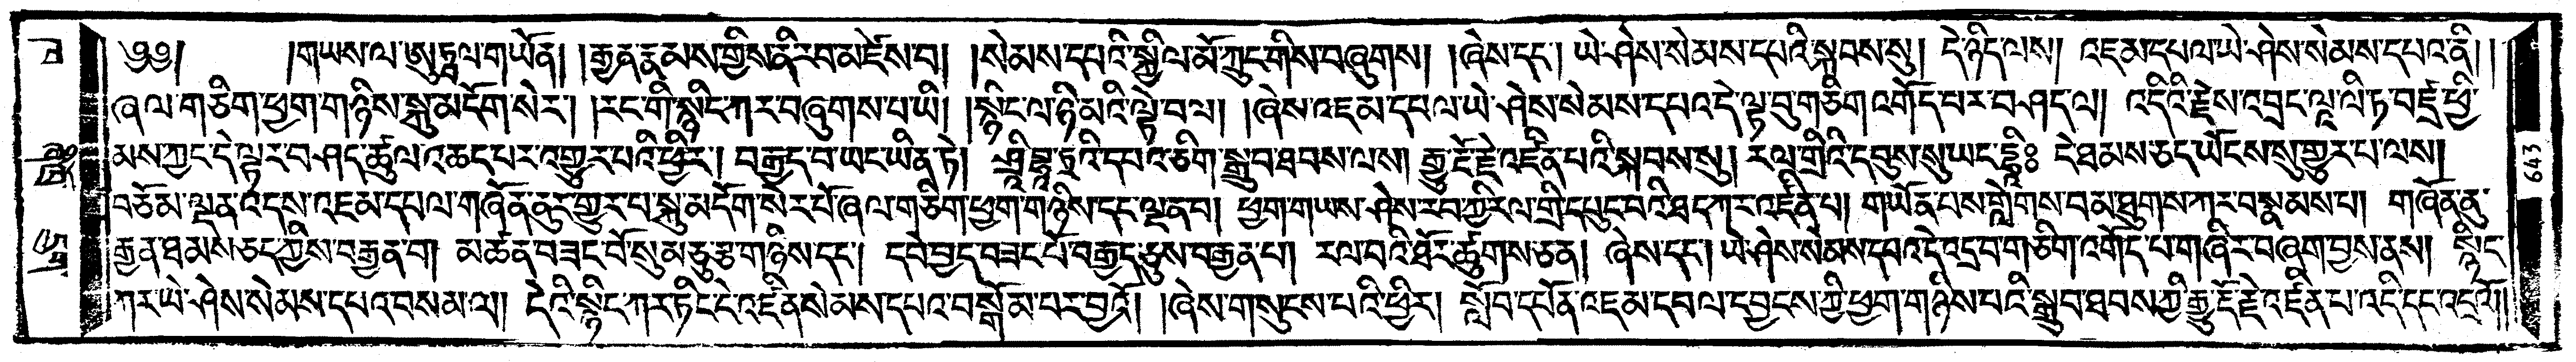༄༅། །གཡས་ལ་ཨུཏྤལ་གཡོན། །རྒྱན་རྣམས་གྱིས་ནི་རབ་མཛེས་པ། །སེམས་དཔའི་སྐྱིལ་མོ་ཀྲུང་གིས་བཞུགས། །ཞེས་དང་། ཡེ་ཤེས་སེམས་དཔའི་སྐབས་སུ། དེ་ཉིད་ལས། འཇམ་དཔལ་ཡེ་ཤེས་སེམས་དཔའ་ནི། །
ཞལ་གཅིག་ཕྱག་གཉིས་སྐུ་མདོག་སེར། །རང་གི་སྙིང་ཀར་བཞུགས་པ་ཡི། །སྙིང་ལ་ཉི་མའི་ལྟེ་བ་ལ། །ཞེས་འཇམ་དཔལ་ཡེ་ཤེས་སེམས་དཔའ་དེ་ལྟ་བུ་གཅིག་འགོད་པར་བཤད་ལ། འདིའི་རྗེས་འབྲང་ལཱ་ལི་ཏ་བཛྲ་ཕྱི་
མས་ཀྱང་དེ་ལྟར་བཤད་ཚུལ་འཆང་པར་འགྱུར་པའི་ཕྱིར། བརྒྱད་པ་ཡང་ཡིན་ཏེ། ཤྲཱི་བྷཱ་ཏྲའི་དཔའ་ཅིག་སྒྲུབ་ཐབས་ལས། རྒྱུ་རྡོ་རྗེ་འཛིན་པའི་སྐབས་སུ། རལ་གྲིའི་དབུས་སུ་ཡང་དྷཱིཿ དེ་ཐམས་ཅད་ཡོངས་སུ་གྱུར་པ་ལས།
བཅོམ་ལྡན་འདས་འཇམ་དཔལ་གཞོན་ནུར་གྱུར་པ་སྐུ་མདོག་སེར་པོ་ཞལ་གཅིག་ཕྱག་གཉིས་དང་ལྡན་པ། ཕྱག་གཡས་ཤེས་རབ་ཀྱི་རལ་གྲི་དཔུང་བའི་ཐད་ཀར་འཛིན་པ། གཡོན་པས་གླེགས་བམ་ཐུགས་ཀར་བསྣམས་པ། གཞོན་ནུ་
རྒྱན་ཐམས་ཅད་ཀྱིས་བརྒྱན་པ། མཚན་བཟང་པོ་སུམ་ཅུ་རྩ་གཉིས་དང་། དཔེ་བྱད་བཟང་པོ་བརྒྱད་ཅུས་བརྒྱན་པ། རལ་བའི་ཐོར་ཚུགས་ཅན། ཞེས་དང་། ཡེ་ཤེས་སེམས་དཔའ་དེ་འདྲ་བ་གཅིག་འགོད་པ་གཞིར་བཞག་བྱས་ནས། སྙིང་
ཀར་ཡེ་ཤེས་སེམས་དཔའ་བསམ་ལ། དེའི་སྙིང་ཀར་ཏིང་ངེ་འཛིན་སེམས་དཔའ་བསྒོམ་པར་བྱའོ། །ཞེས་གསུངས་པའི་ཕྱིར། སློབ་དཔོན་འཇམ་དཔལ་དབྱངས་ཀྱི་ཕྱག་གཉིས་པའི་སྒྲུབ་ཐབས་ཀྱི་རྒྱུ་རྡོ་རྗེ་འཛིན་པ་འདི་དང་འདྲའོ།།